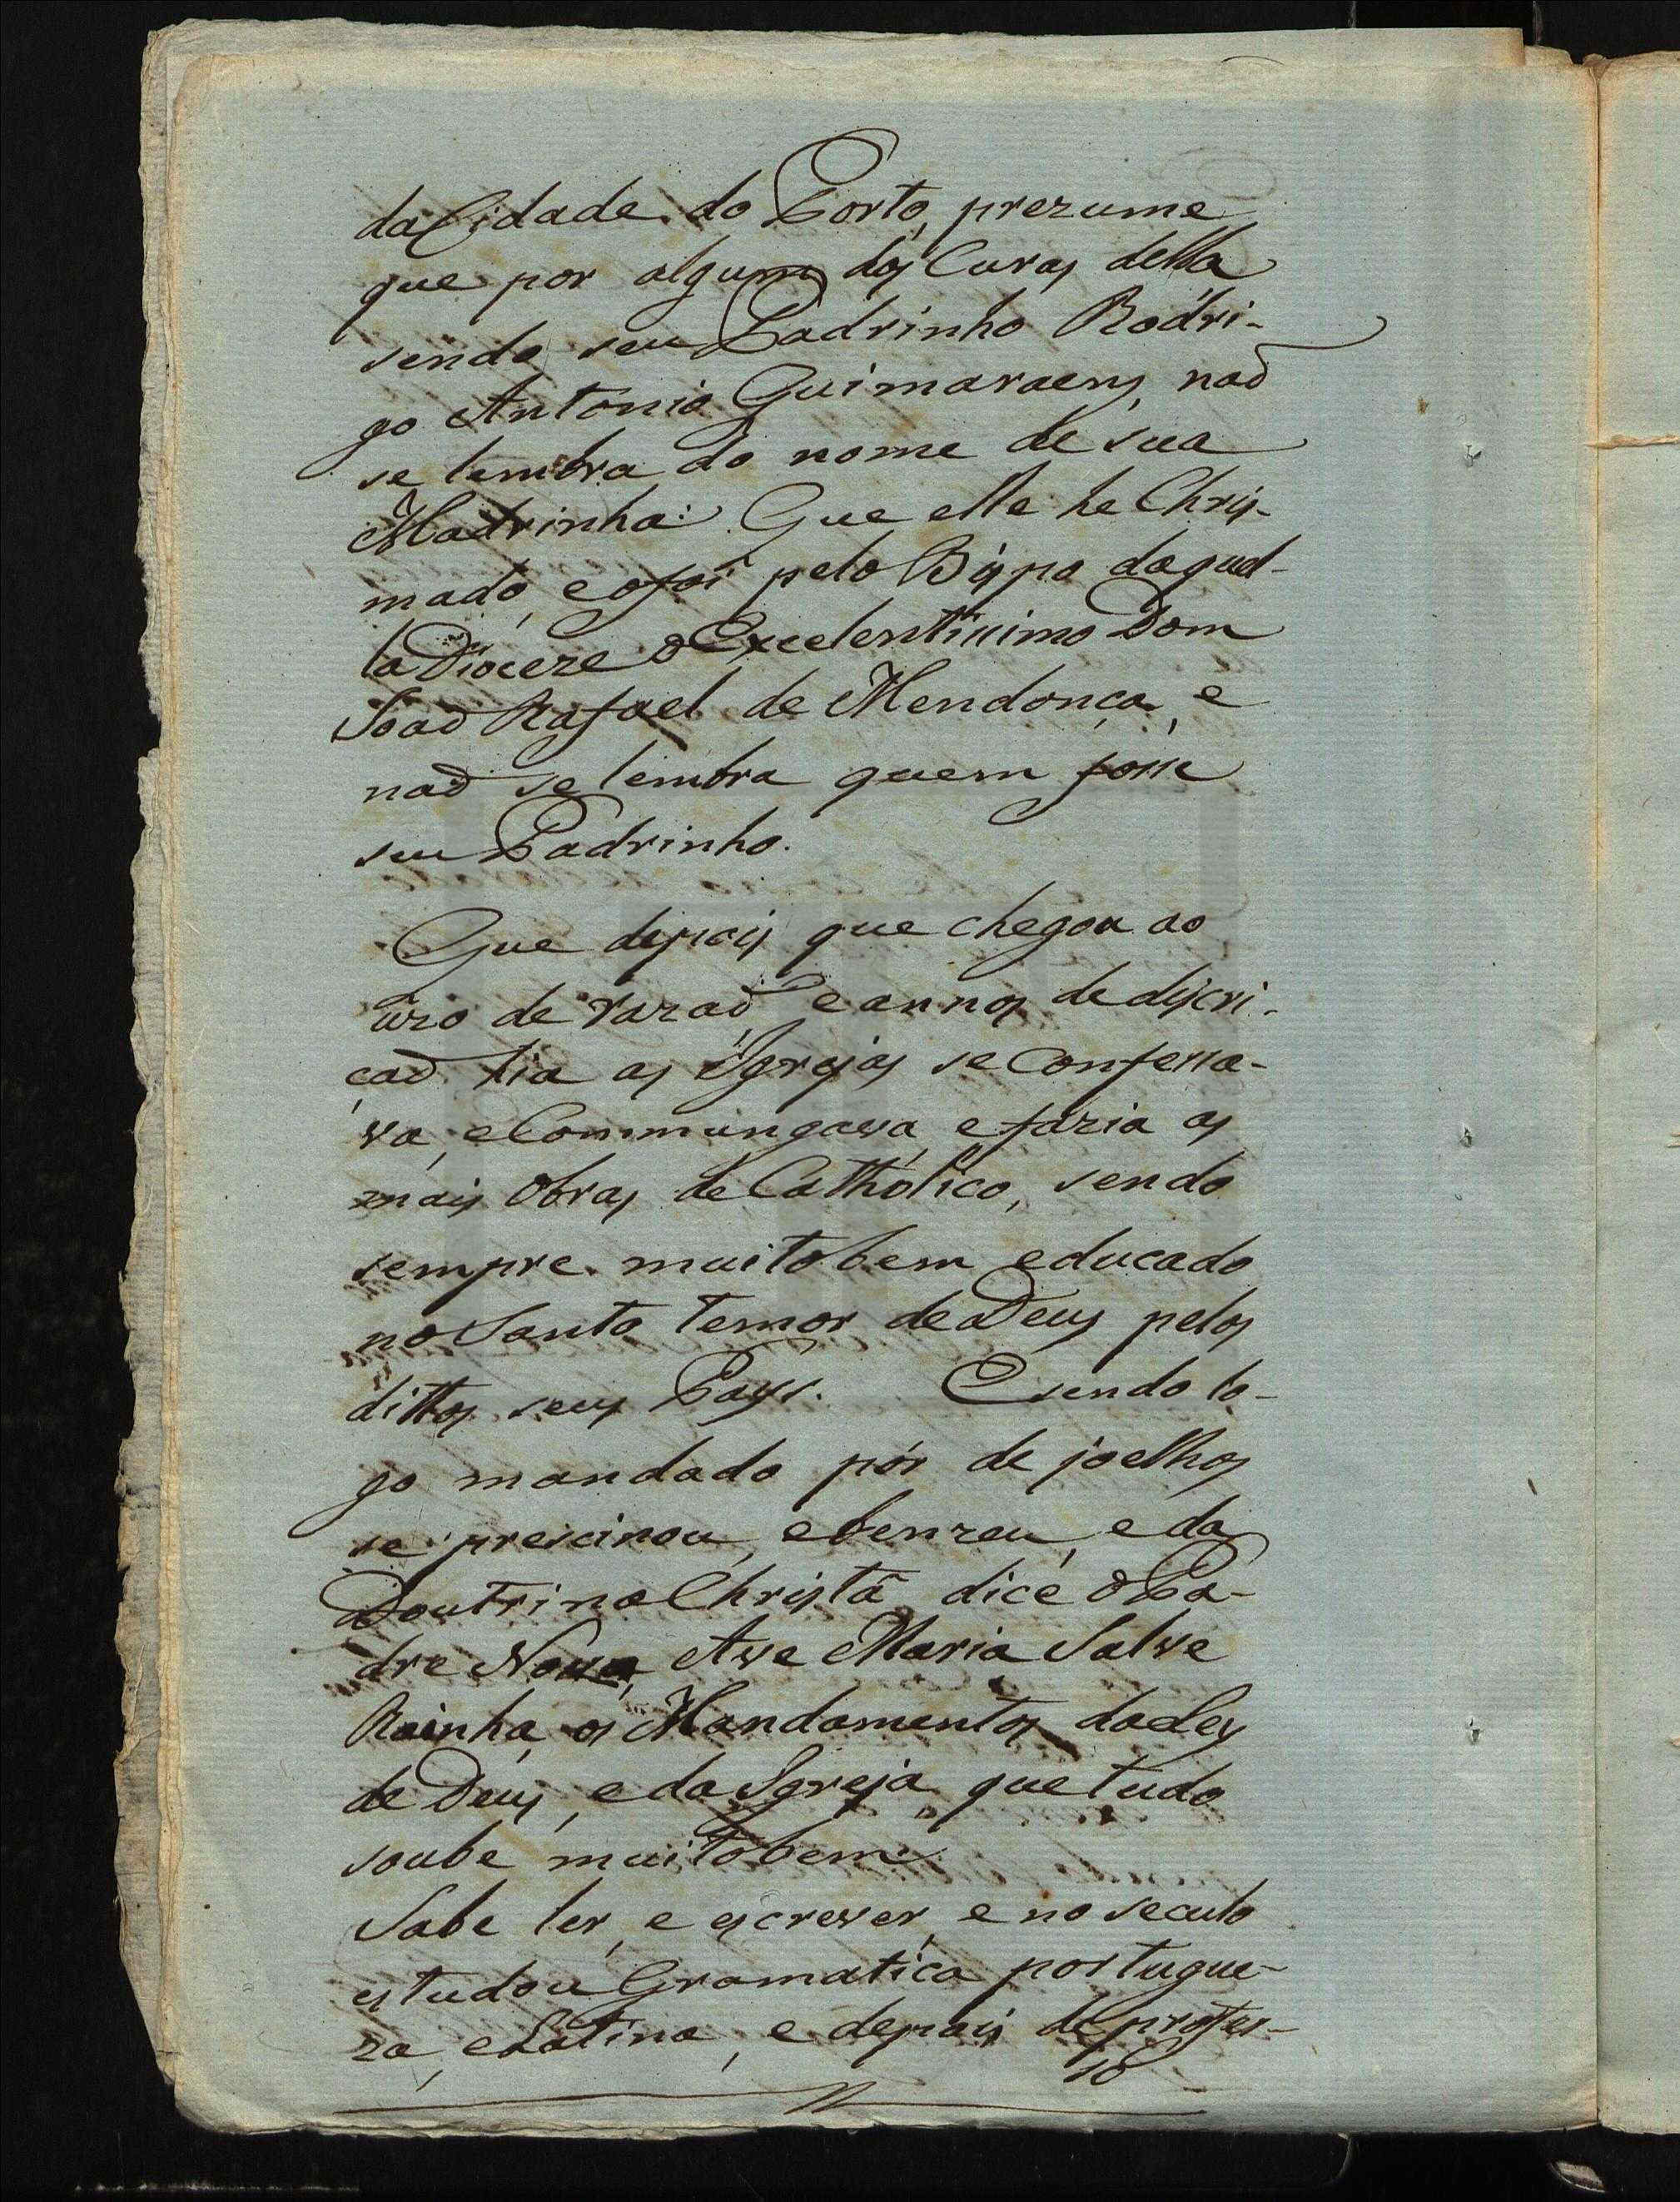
da Cidade do Porto, prezume
que por algum dos Curas della
sendo seu Padrinho Rodri
go Antonio Guimaraens, naõ
se lembra do nome de sua
Madrinha: Que elle he Chris
mado, e o foi pelo Bispo daquel
la Dioceze o Excelentissimo Dom
Ioaõ Rafael de Mendonça, e
naõ se lembra quem fosse
seu Padrinho.
Que depois que chegou ao
uzo de razaõ e annos de discri
çaõ hia as Igrejas se confessa
va e Commungava, e fazia as
mais obras de Catholico, sendo
sempre muito bem educado
no Santo Temor de Deus pelos
dittos seus Pays. E sendo lo
go mandado pór de joelhos
se prescinou, e benzeu, e da
Doutrina Christã dice o Pa
dre Nosso, Ave Maria Salve
Rainha, os Mandamentos da Ley
de Deus, e da Igreja, que tudo
soube muito bem
Sabe ler, e escrever, e no seculo
estudou Gramatica portugue
za e Latina, e depois de profes
so
